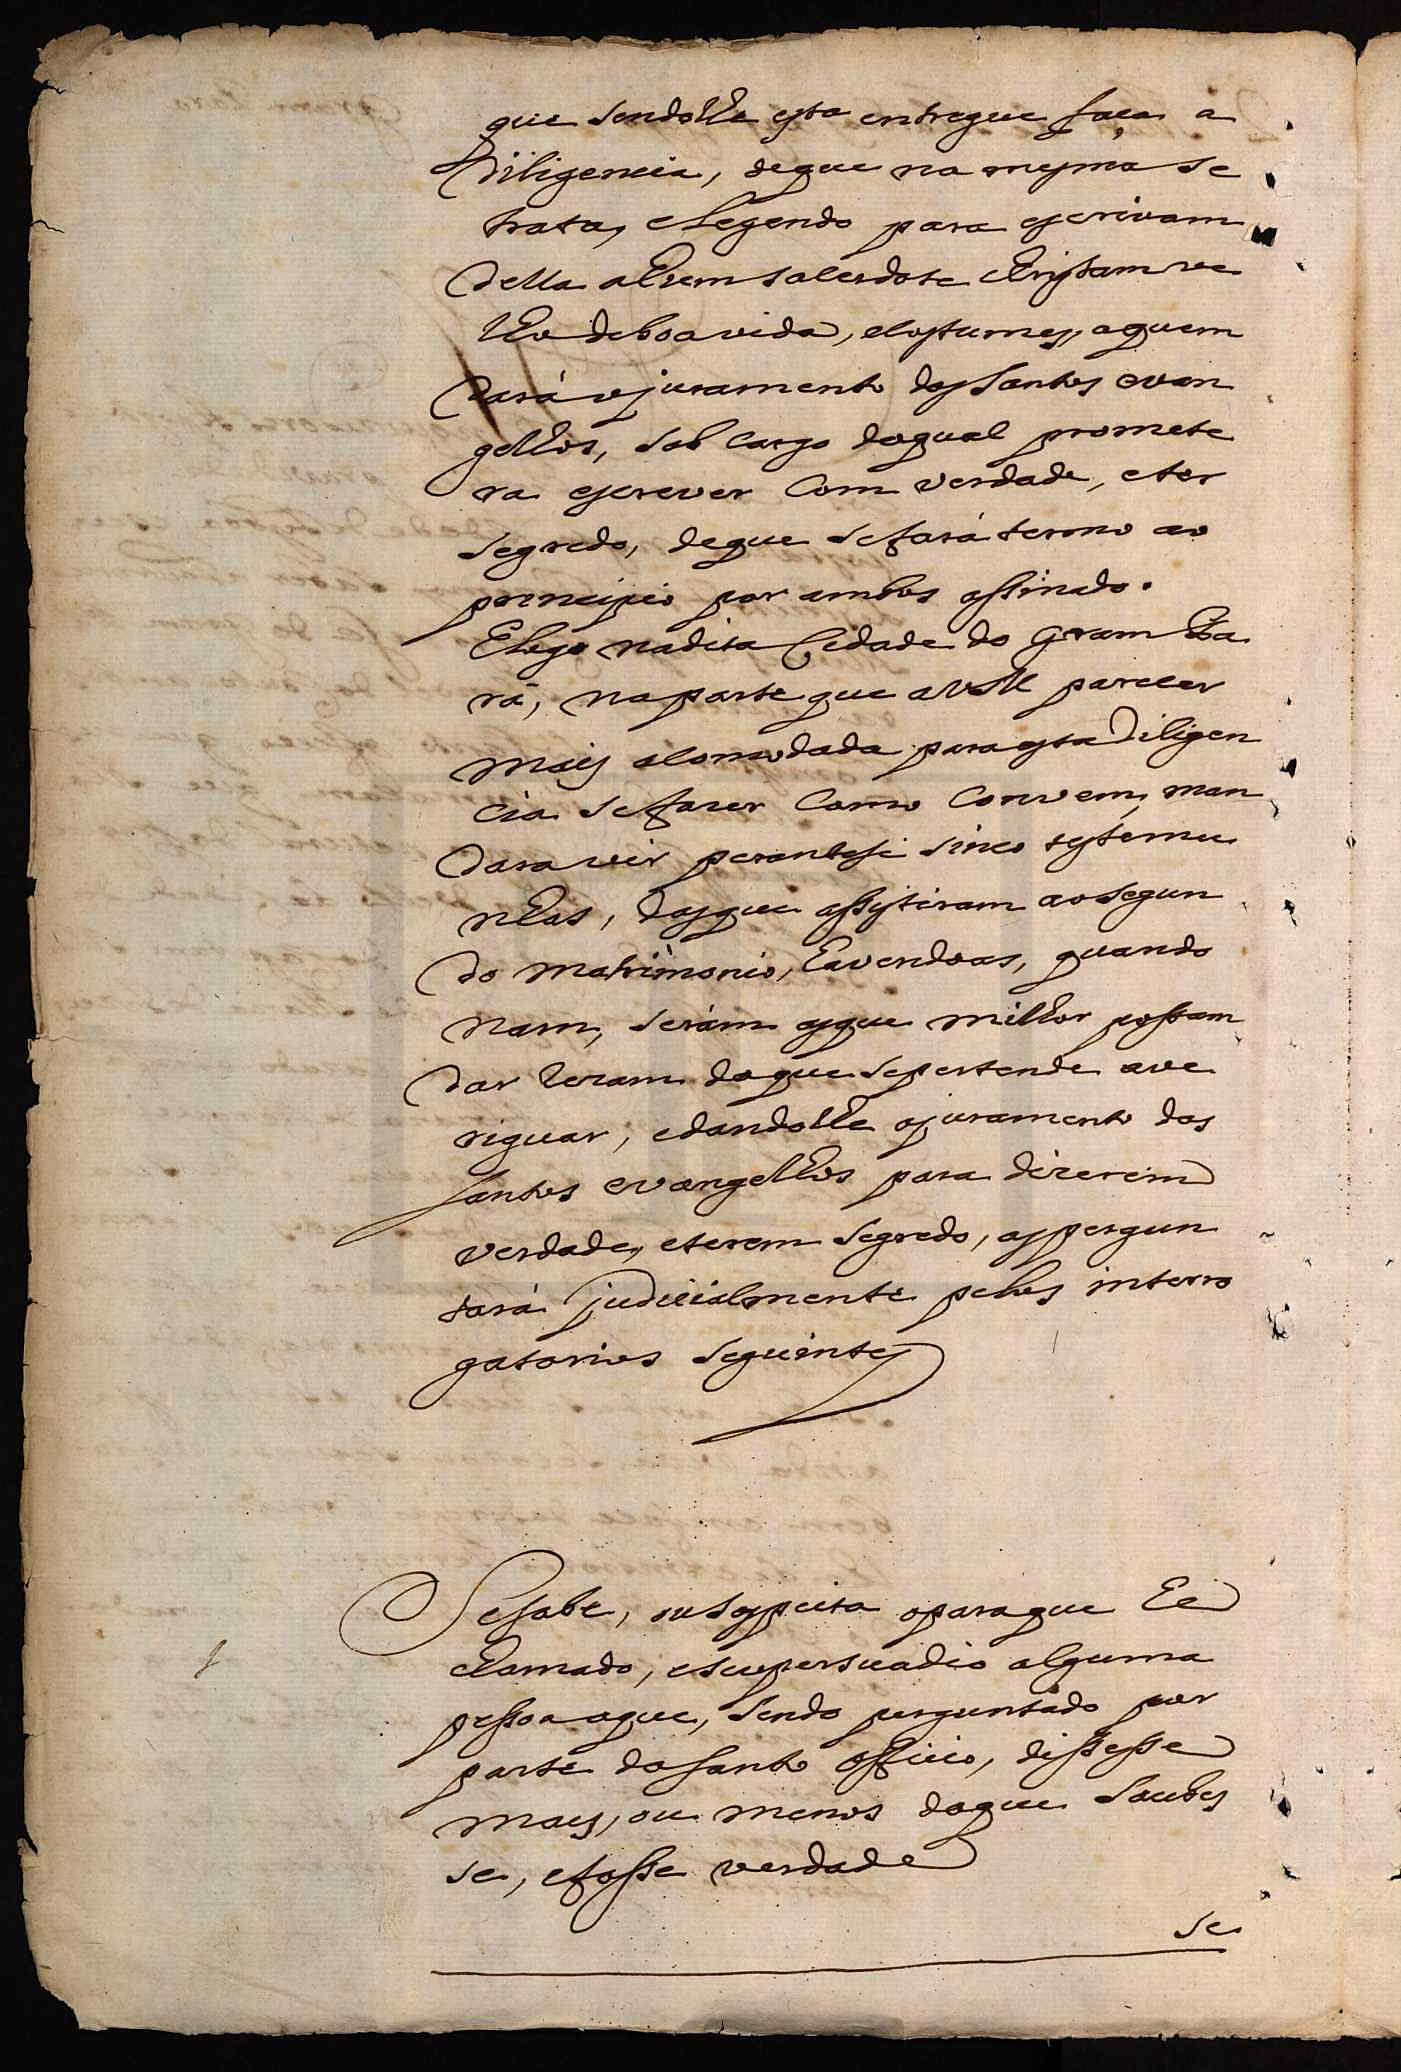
que sendolhe esta entregue faça a
diligencia, de que na mesma se
trata, elegendo para escrivam
della a hum sacerdote christam ve
lho de boa vida, e costumes, a quem
dará o juramento dos Santos evan
gelhos, sob cargo do qual promete
ra escrever com verdade, e ter
segredo, de que se fará termo ao
principio por ambos assinado.
E logo na dita Cidade do Gram Pa
rá, na parte que a VM parecer
mais acomodada para esta diligen
cia se fazer Como convem, man
dara vir perante si sinco testemu
nhas, das que assistiram ao segun
do matrimonio, havendoas, quando
nam, seram as que milhor possam
dar Rezam do que se pertende ave
riguar, e dandolhe o juramento dos
santos evangelhos para dizerem
verdade, e terem segredo, as pergun
tará judicialmente pelos interro
gatorios seguintes
Se sabe, ou sospeita o para que he
chamado, e se o persuadio alguma
pessoa a que, sendo perguntado por
parte do santo officio, dissesse
mais, ou menos do que soubes
se, e fosse verdade
se
